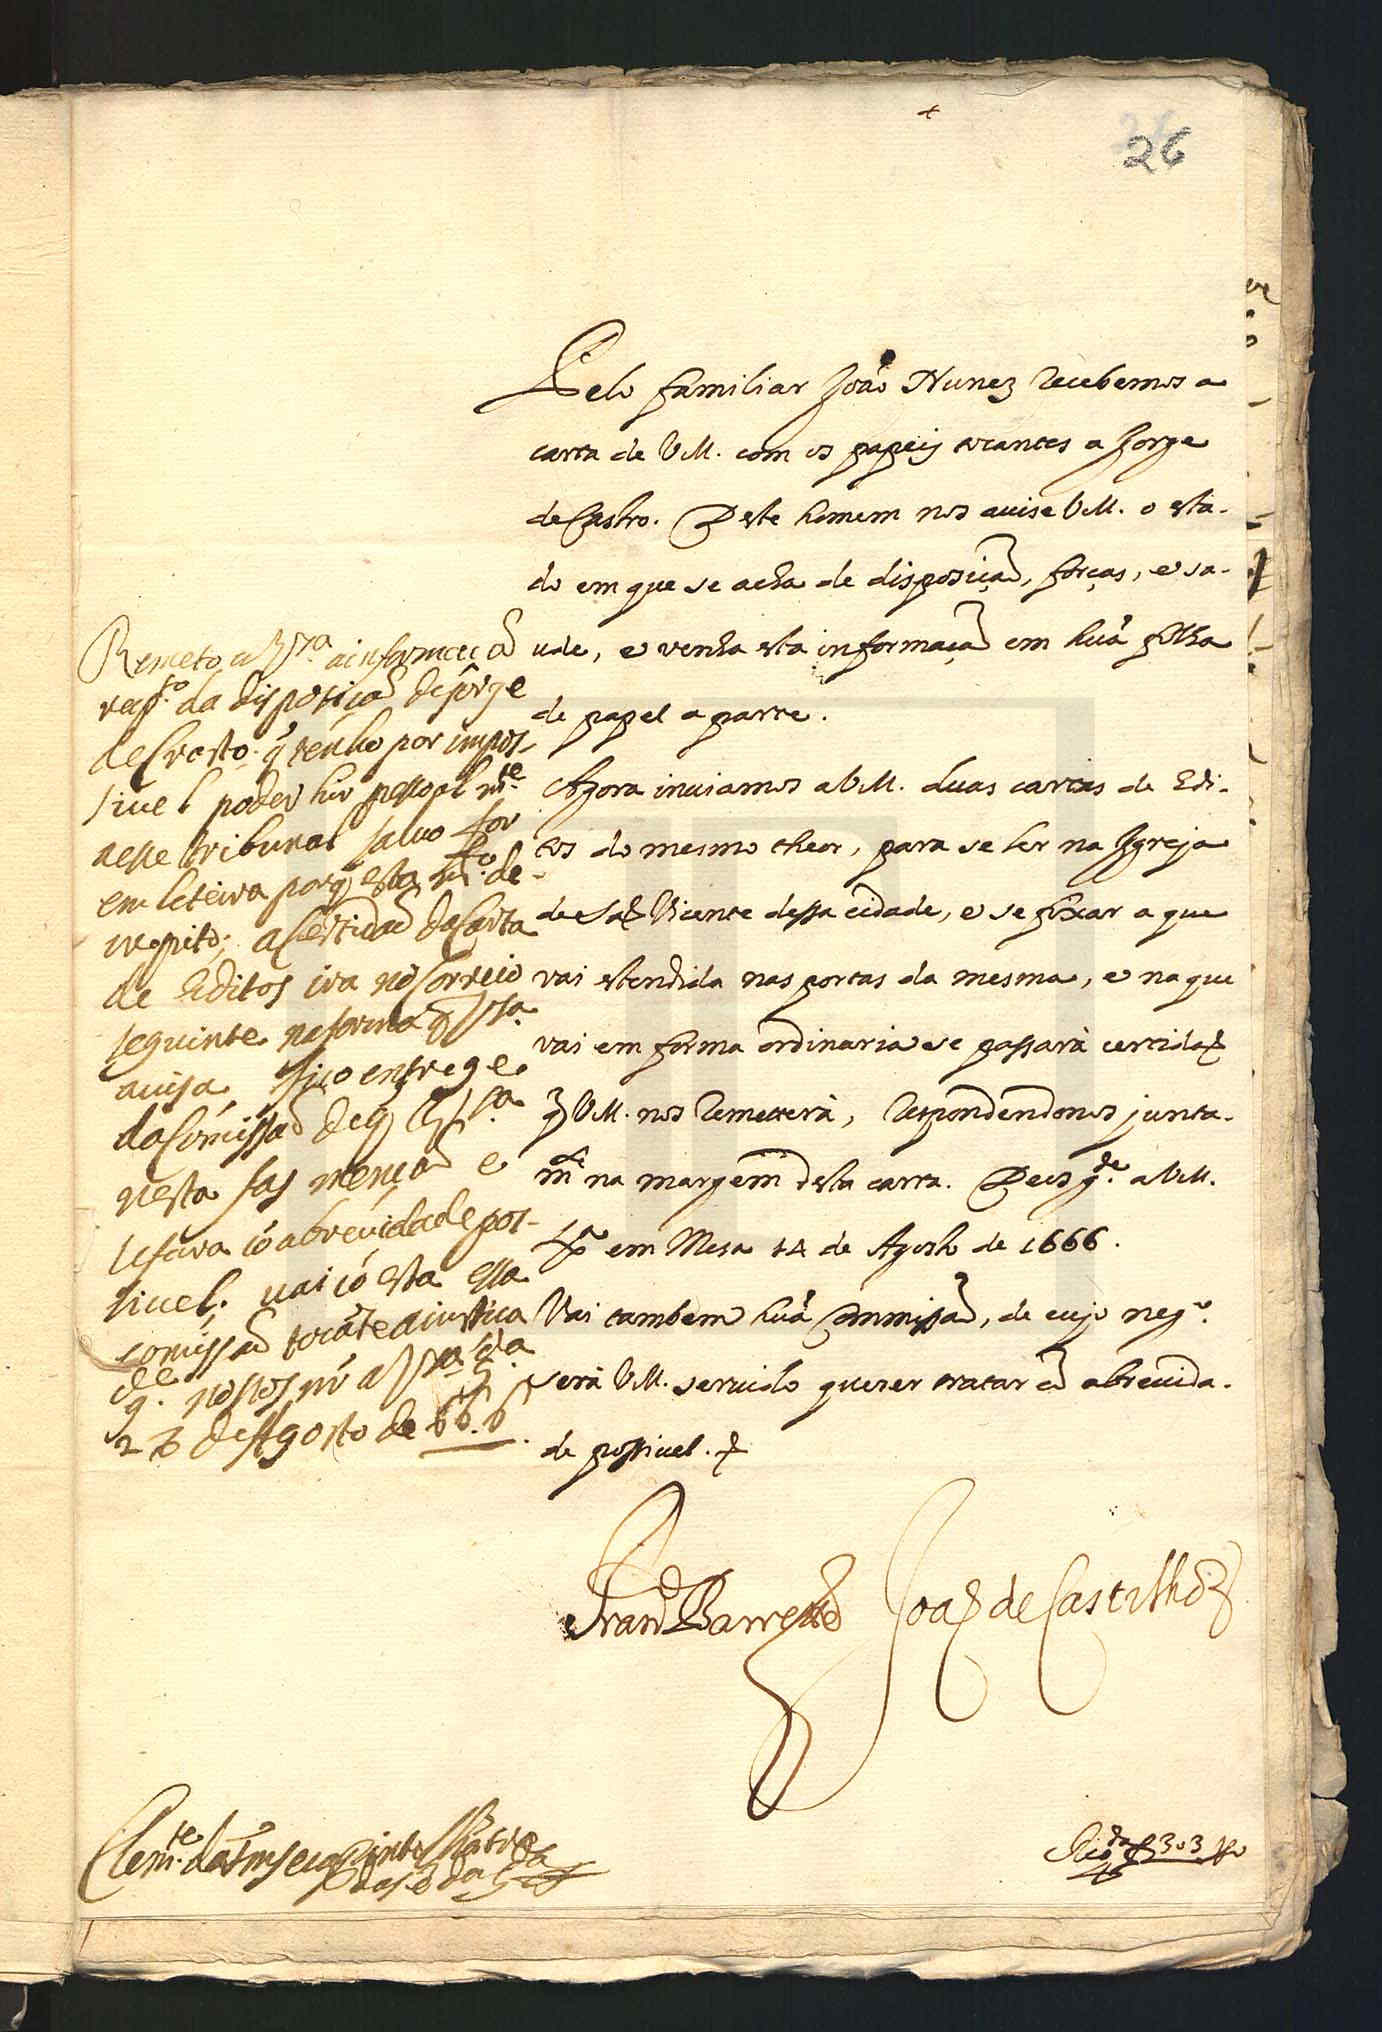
Pelo familiar Joaõ Nunez recebemos a
carta de V M. com os papeis tocantes a Jorge
de Castro. Deste homem nos auise V M. o esta
do em que se acha de disposiçaõ, forças, e sa
ude, e venha esta informaçaõ em huā folha
de papel a parte.
Agora inuiamos a V M. duas cartas de Edi
tos do mesmo theor, para se ler na Jgreja
de Saõ Vicente dessa cidade, e se fixar a que
vai estendida nas portas da mesma, e na que
vai em forma ordinaria se passarà certidaõ
q̄ V M. nos Remetterà, Respondendonos junta
mte na margem desta carta. Deos g.de a V M.
Lxa em Mesa 14 de Agosto de 1666.
Vai tambem huā Commissaõ, de cujo nego.
serà V M. seruido querer tratar cō a breuida
de possiuel.
Franco Barretto
João de Castilho
Remeto a V s.a a informaçaõ a
resp.to da disposiçaõ de jorge
de Crasto; q̄ tenho por impos
siuel poder hir pessoalm.te
a esse tribunal saluo for
em liteira porq̄ esta m.to de
crepito; a Certidaõ da Carta
de Editos ira no Correio
seguinte na forma q̄ V s.a
auisa fico entrege
da Comissaõ de q̄ V s.a
nesta fas mençaõ e
se fara cō a breuidade pos
siuel; uai cō esta essa
comissaõ tocāte a iustiça
g.de nosso snr̄ a V s.a g.da
28 de Agosto de 666
Clem.te da Fonseca pinto Chātre
da sé da Gda
Regda fl 303 Ꝟo
